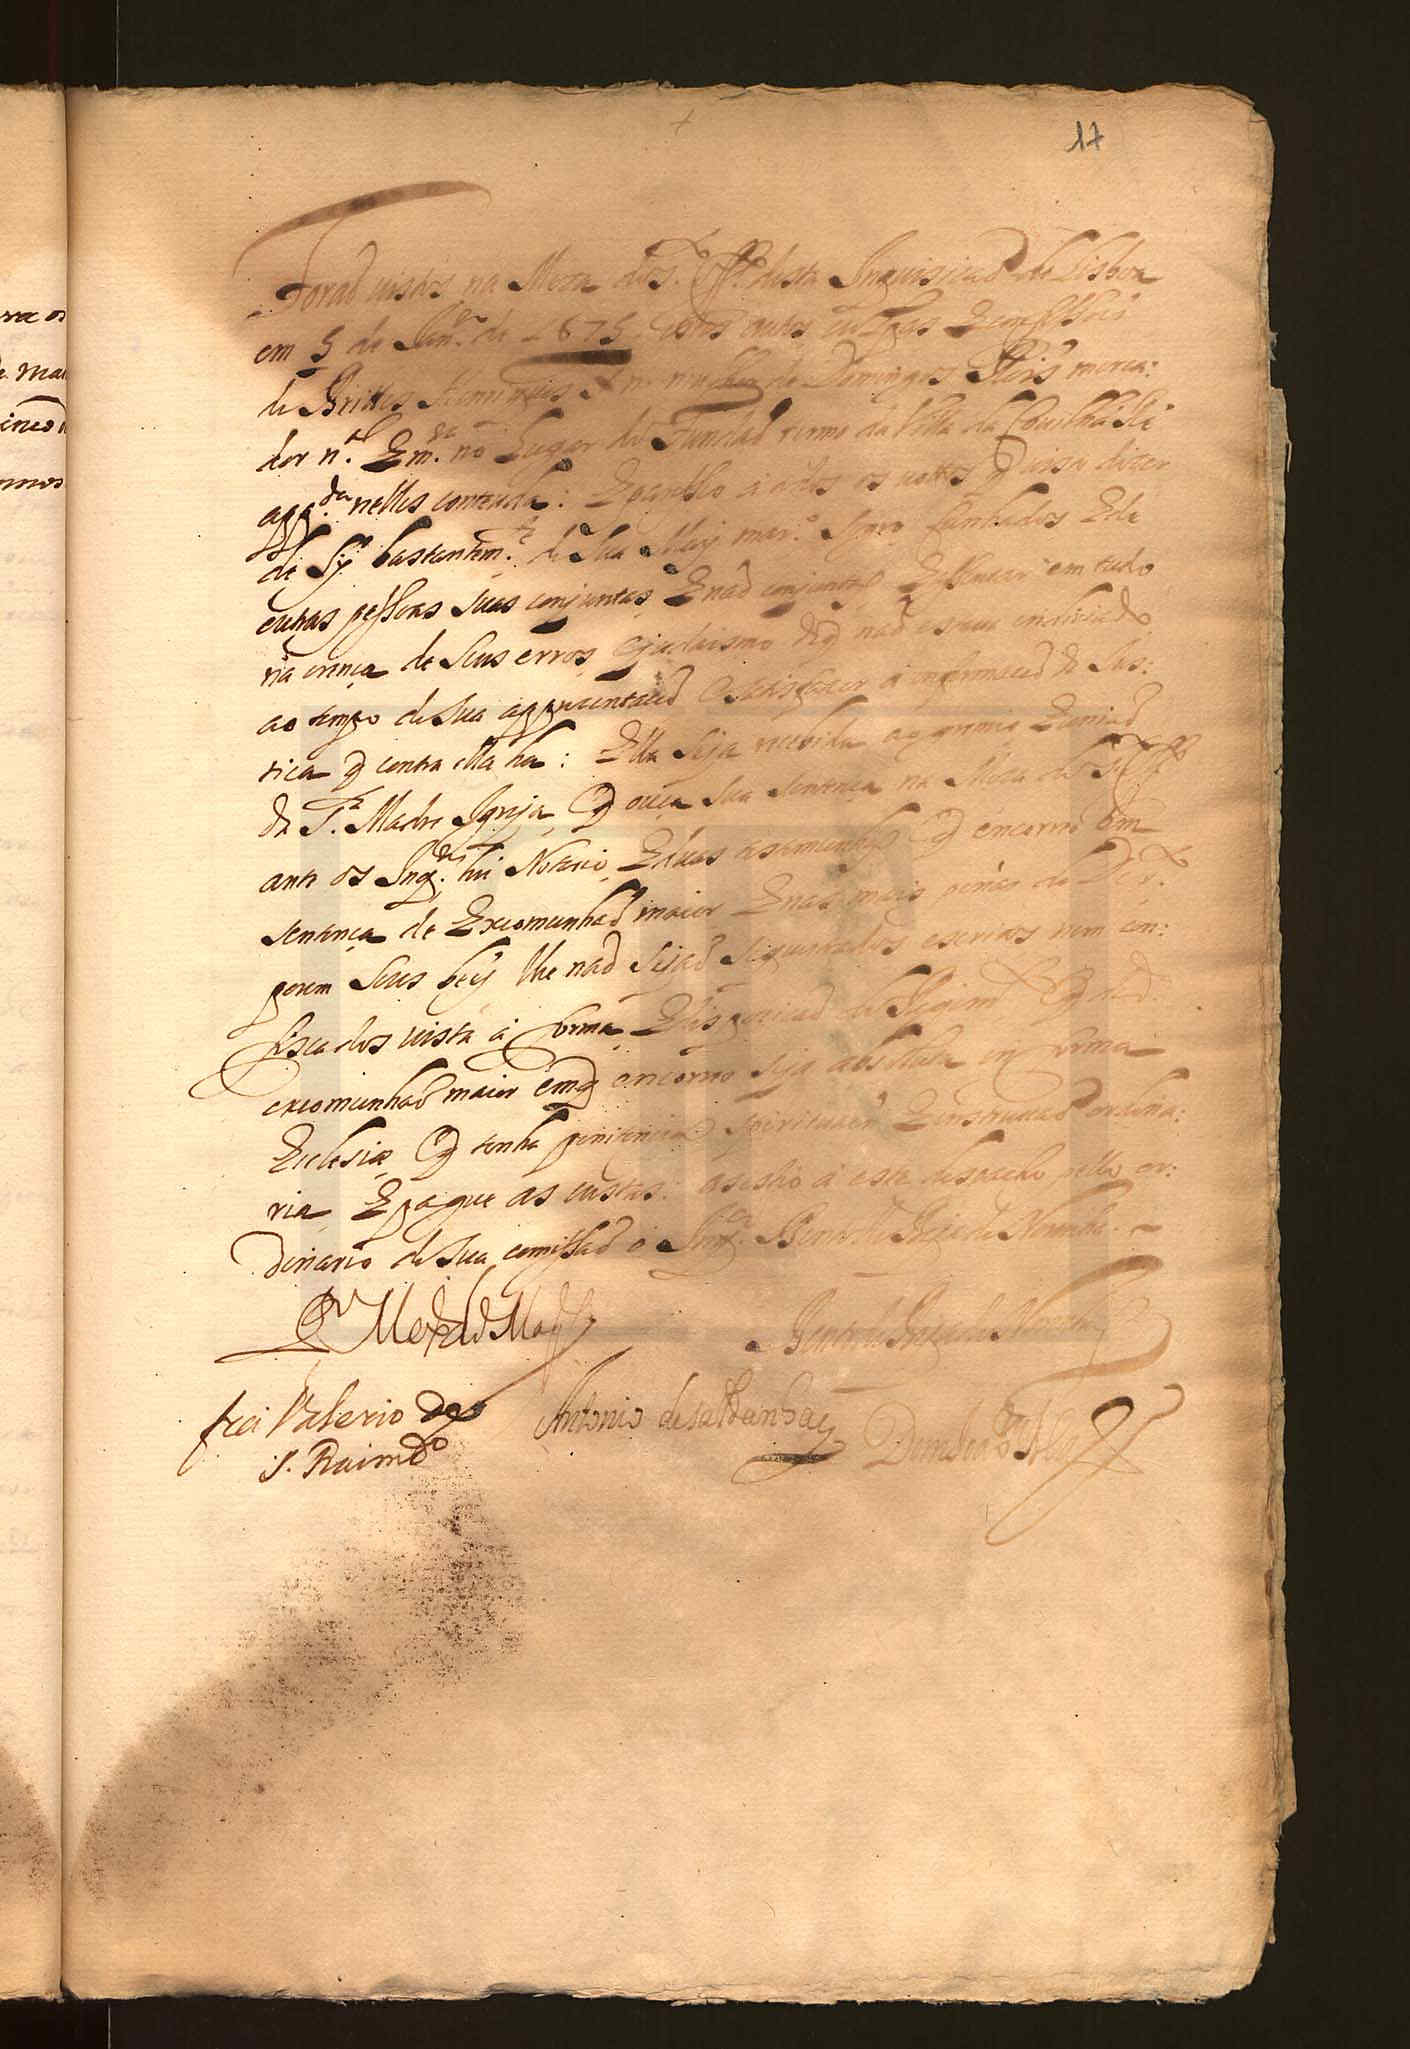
Foraõ uistos na Meza do s.to off.o desta Inquisiçaõ de Lisboa
em 5 de Ianro de 1675 estes autos culpas E confissaõ
de Brittes Henriques xn. mulher de Domingos Rois̄ merca
dor n.al E mra no lugar do Fundaõ termo da Villa da Couilhã Ré
app.da nelles conteuda: E paresseo a todos os uottos q̄ uisto dizer
de sy bastantem.te de sua May mar.o sogro Cunhados E de
outras pessoas suas conjuntas, E naõ conjuntas, E assentar em tudo
na crença de seus erros, e judaismo de q̄ naõ estaua indisiado
ao tempo de sua apprezentaçaõ e satisfazer a informaçaõ de Ius
tiça q̄ contra ella ha: Ella seja recebida ao gremio E uniaõ
da S.ta Madre Igreja, q̄ ouça sua sentença na Meza do sto offo
ante os Inq.res, hū Notario, E duas testemunhas q̄ encorreo em
sentença de Excomunhaõ maior E nas mais pen̄as de Dir.to
porem seus beēs lhe naõ sejaõ sequestrados escritos nem con
fiscados uista a forma, E dispoziçaõ do Regimto, q̄ da d.a
excomunhaõ maior em q̄ encorreo seja absoluta em forma
Ecclesiæ, q̄ tenha penitencias spirituaes E instrussaõ ordina
ria, E pague as custas asistio a este despacho pello or
dinario de sua comissaõ o Inq.or Bento de Beja de Noronha. -
